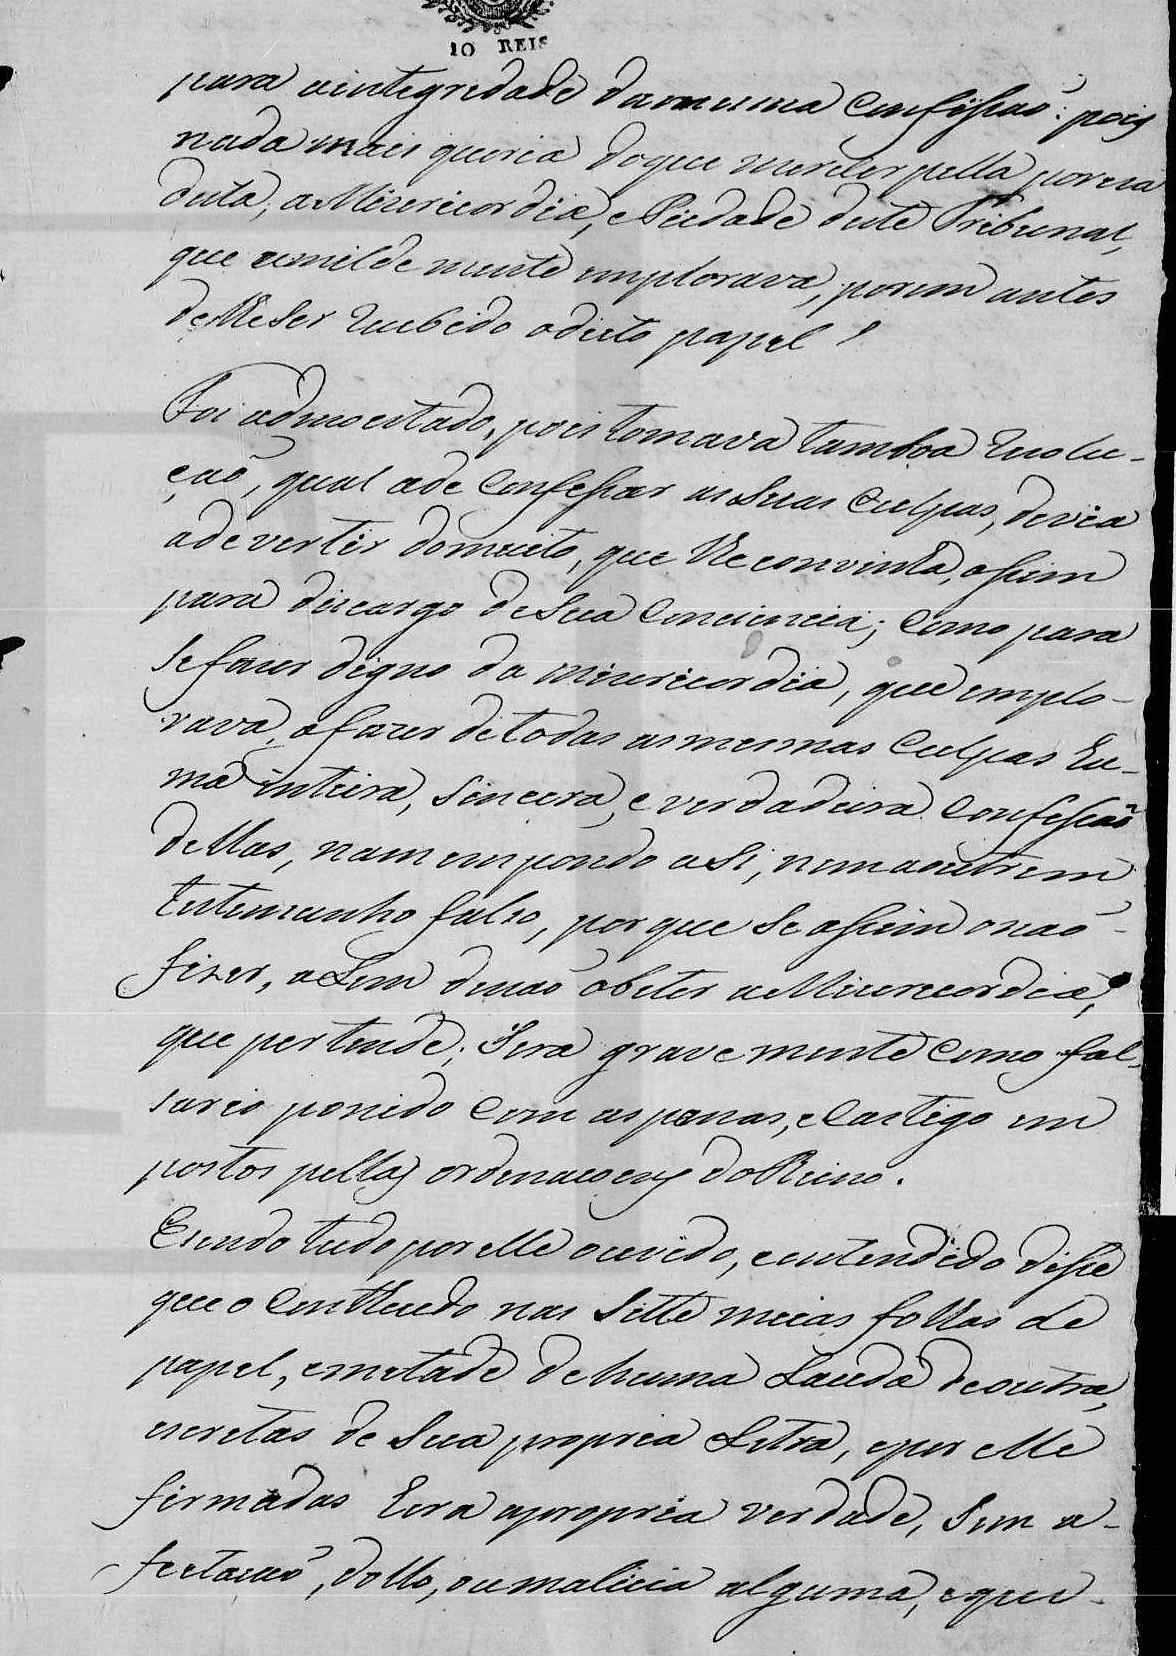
para a integredade da mesma confissaõ. pois
nada mais queria do que merecer pella poresa
desta, a Misericordia, e Piedade deste Tribunal,
que umildemente implorava, porem antes
de lhe ser recebido o dicto papel.
Foi admoestado, pois tomava tam boa resolu
çaõ, qual a de confessar as suas culpas, devia
adevertir do muito, que lhe convinha, assim
para descargo de sua conciencia; como para
se faser digno da misericordia, que amplo
rava, a fazer de todas as mesmas culpas hu
ma inteira, sincera, e verdadeira confessaõ
dellas, nam empondo a si, nem a outrem,
testemunho falso, por que se assim o naõ
fizer, alem dessas obeter a Miserecordia,
que pertende; sera gravemente como fal
sario ponido com as penas, e castigo em
postos pellas ordenaçoens do Reino.
E sendo tudo por elle ouvido, e entendido disse
que o contheudo nas sette meias folhas de
papel, e metade de huma lauda de outra,
escretas de sua propria letra, e por elle
firmadas hera a propria verdade, sem a
fectaçaõ, dollo, ou malicia alguma, e que
